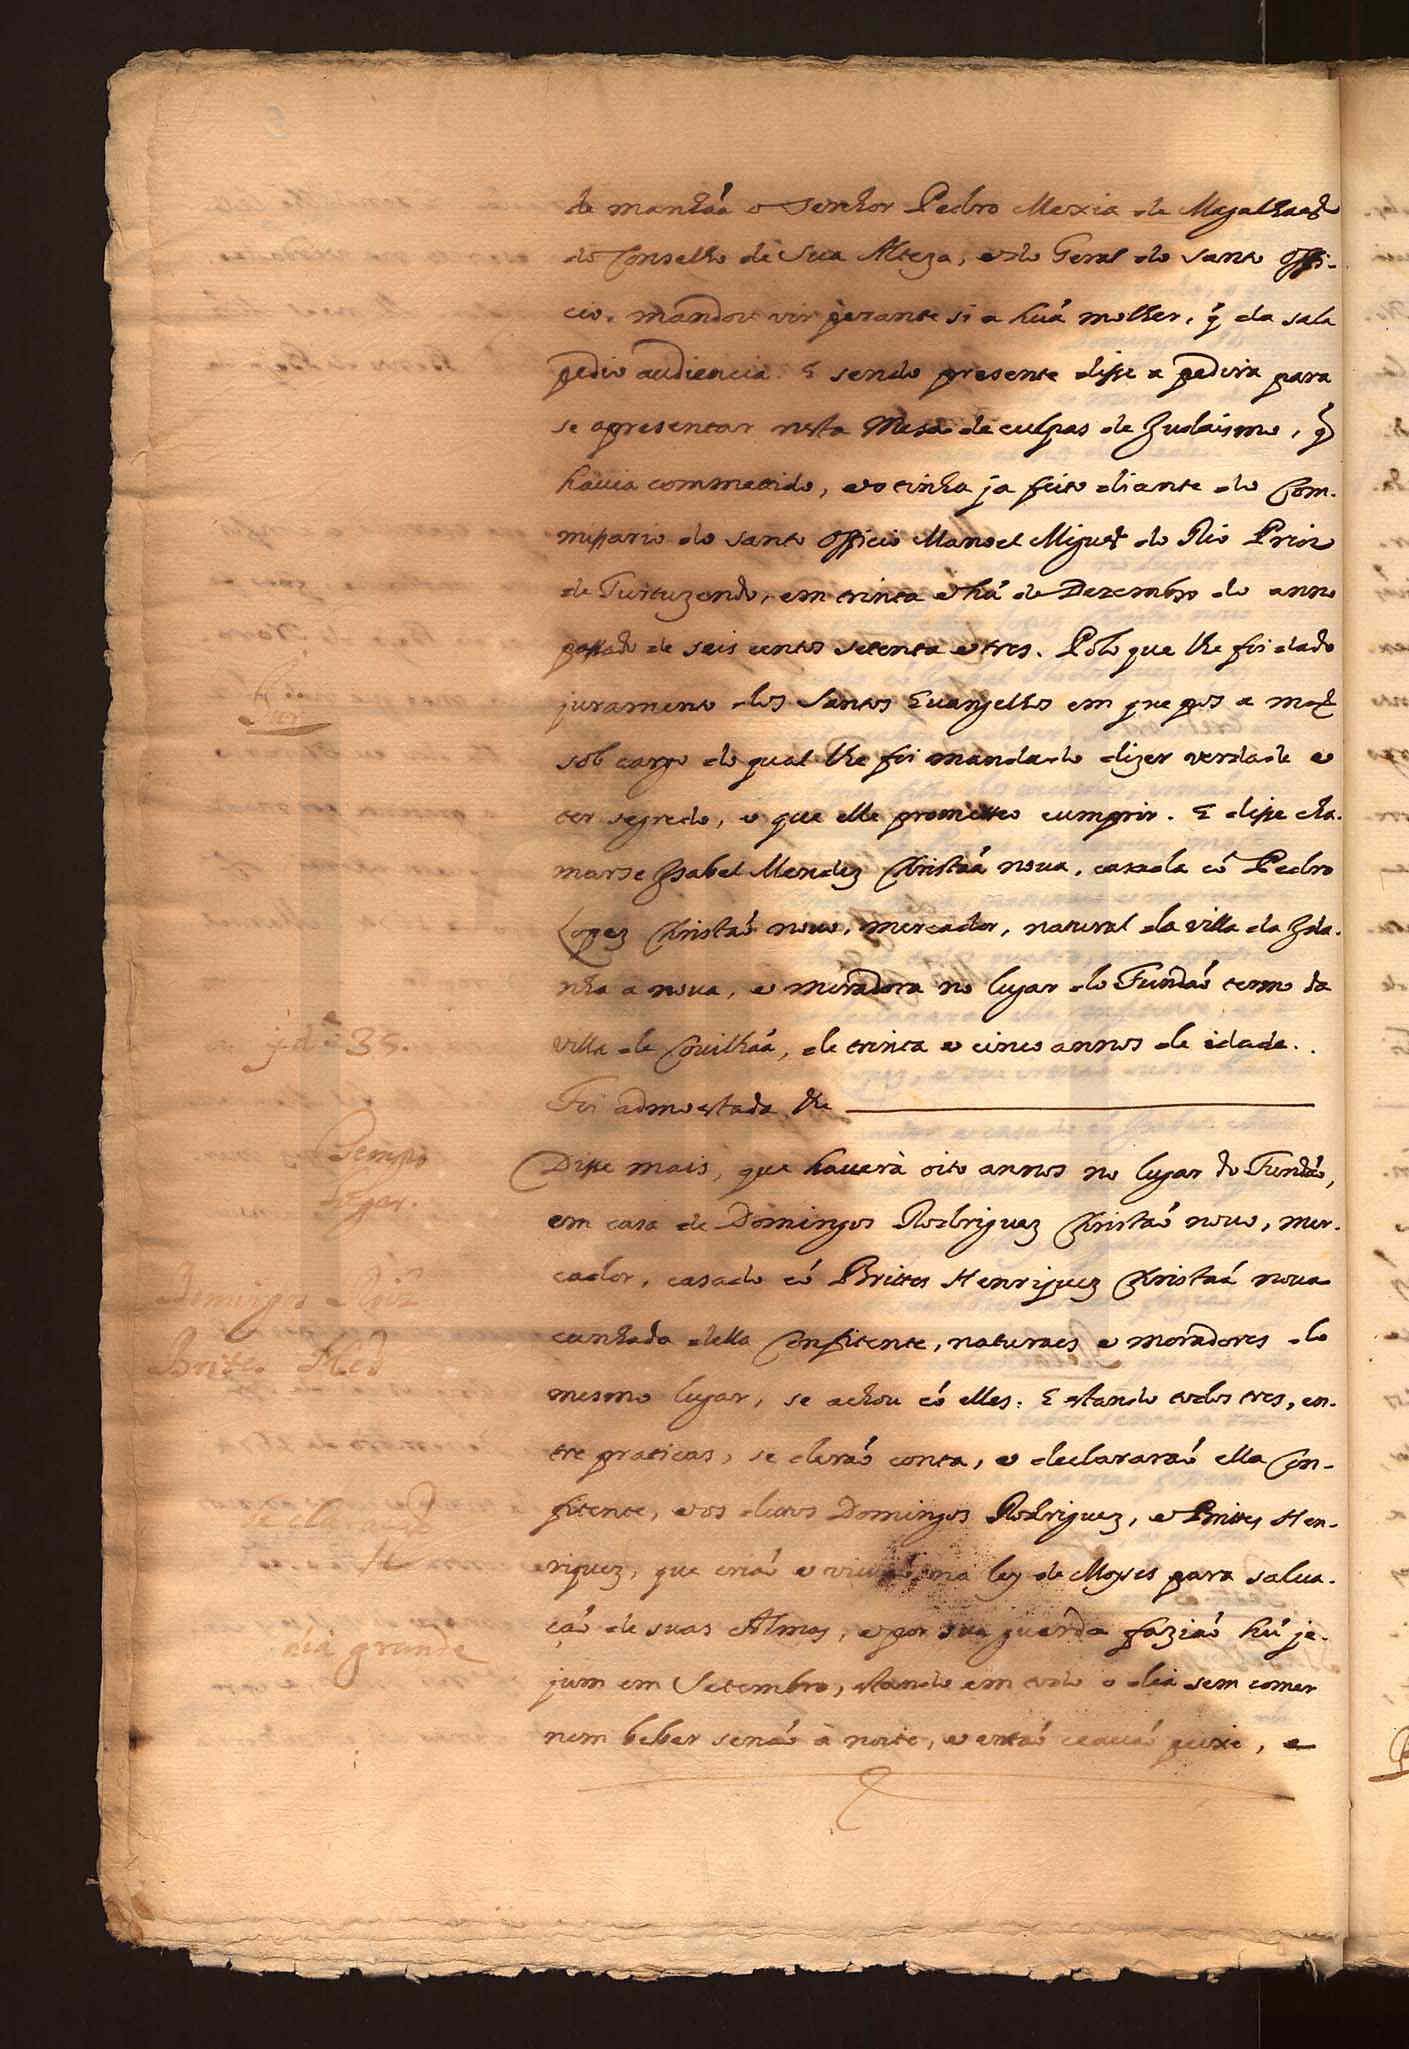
Iur
jde 35.
Tempo
Lugar.
Domingos Roiz̄
Brites Hes̄
declaraçaõ
dia grande
de manhaã o Senhor Pedro Mexia de Magalhaẽs
do Conselho de sua Alteza, e do Geral do santo offi
cio mandou vir perante si a huā molher, q̄ da sala
pedio audiencia E sendo presente disse a pedira para
se apresentar nesta mesa de culpas de Judaismo, q̄
hauia commetido, e o tinha ja feito diante do Com
missario do santo officio Manoel Migues̄ do Rio Prior
de Turtuzendo, em trinta e hū de Dezembro do anno
passado de seiscentos setenta e tres. Polo que lhe foi dado
juramento dos Santos Euangelhos em que pos a maõ
sob cargo do qual lhe foi mandado dizer verdade e
ter segredo, o que elle prometteo cumprir. E disse cha
marse Jsabel Mendez Christaã noua, casada cō Pedro
Lopez Christaõ nouo, mercador, natural da villa da Jda
nha a noua, e moradora no lugar do Fundaõ termo da
villa de Couilhaã, de trinta e cinco annos de idade.
Foi admoestada &a
Disse mais, que hauerà oito annos no lugar do Fundão,
em casa de Domingos Rodriguez Christaõ nouo, mer
cador, casado cō Brittes Henriquez Christaã noua
cunhada della Confitente, naturaes e moradores do
mesmo lugar, se achou cō elles: E estando todos tres, en
tre praticas, se deraõ conta, e declararaõ ella Con
fitente, e os dittos Domingos Rodriguez, e Brittes Hen
riquez, que criaõ e viuiaõ na ley de Moyses para salua
çaõ de suas Almas, e por sua guarda faziaõ hū je
jum em Setembro, estando em todo o dia sem comer
nem beber senaõ à noite, e entaõ ceauaõ peixe, e
